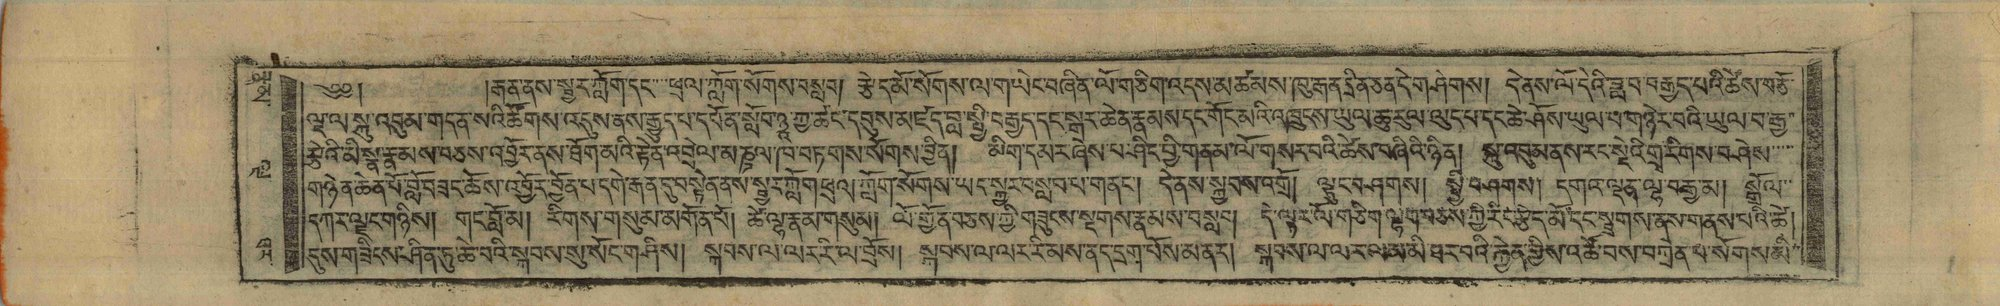༄༅། །རྒན་ནས་སྦྱར་ཀློག་དང་ཕྲལ་ཀློག་སོགས་བསླབ། རྩེད་མོ་སོགས་ལ་གཡེང་བཞིན་ལོ་གཅིག་འདས་མཚམས་ཁུ་རྒན་དྲིན་ཅན་དེ་གཤེགས། དེ་ནས་ལོ་དེའི་ཟླ་བ་བརྒྱད་པའི་ཚེས་བཅོ་
ལྔ་ལ་སྐུ་འབུམ་གདན་སའི་ཚོགས་འདུས་ནས་རྒྱུད་པ་དཔོན་སློབ་ཉཱ་ཀྱ་ཚང་དབུས་མཛད་བླ་སྤྱི་བརྒྱད་དང་སྒར་ཆེན་རྣམས་དང་གོང་མའི་འཁྲུངས་ཡུལ་ཆུ་རུལ་ལུང་པ་དང་ཆེ་ཤོས་ཡུལ་བ་གཉེར་བའི་ཡུལ་བ་རྒྱ་
རྩེའི་མི་སྣ་རྣམས་བཅས་འབྱོར་ནས་ཐོག་མའི་རྟེན་འབྲེལ་མཎྜལ་ཁ་བཏགས་སོགས་བྱིན། མིག་དམར་ཞེས་པ་ཤིང་བྱི་གནམ་ལོ་གསར་བའི་ཚེས་བཞིའི་ཉིན། སྐུ་འབུམ་ནས་རང་སྡེའི་གྲྭ་རིགས་བཤེས་
གཉེན་ཆེན་པོ་བློ་བཟང་ཆོས་འབྱོར་བྱོན་པ་དགེ་རྒན་དུ་བསྟེན་ནས་སྦྱར་ཀློག་ཕྲལ་ཀློག་སོགས་ཡང་སྐྱར་བསླབ་པ་གནང་། དེ་ནས་སྐྱབས་འགྲོ། ལྟུང་བཤགས། སྤྱི་བཤགས། དགའ་ལྡན་ལྷ་བརྒྱ་མ། སྒྲོལ་
དཀར་ལྗང་གཉིས། གང་བློ་མ། རིགས་གསུམ་མགོན་པོ། ཚེ་ལྷ་རྣམ་གསུམ། ལོ་གྱོན་བཅས་ཀྱི་གཟུངས་སྔགས་རྣམས་བསླབ། དེ་ལྟར་ལོ་གཅིག་ལྷག་བཅས་ཀྱི་རིང་རྩེད་མོ་དང་སྦྲགས་ནས་གནས་པའི་ཚེ།
དུས་གཟིངས་ཤིན་ཏུ་ཆེ་བའི་སྐབས་སུ་སོང་གཤིས། སྐབས་ལ་ལར་རི་ལ་བྲོས། སྐབས་ལ་ལར་རིམས་ནད་དྲག་པོས་མནར། སྐབས་ལ་ལར་ལམ་མི་ཐར་བའི་རྐྱེན་གྱིས་འཚོ་བས་བཀྲེན་པ་སོགས་མི་